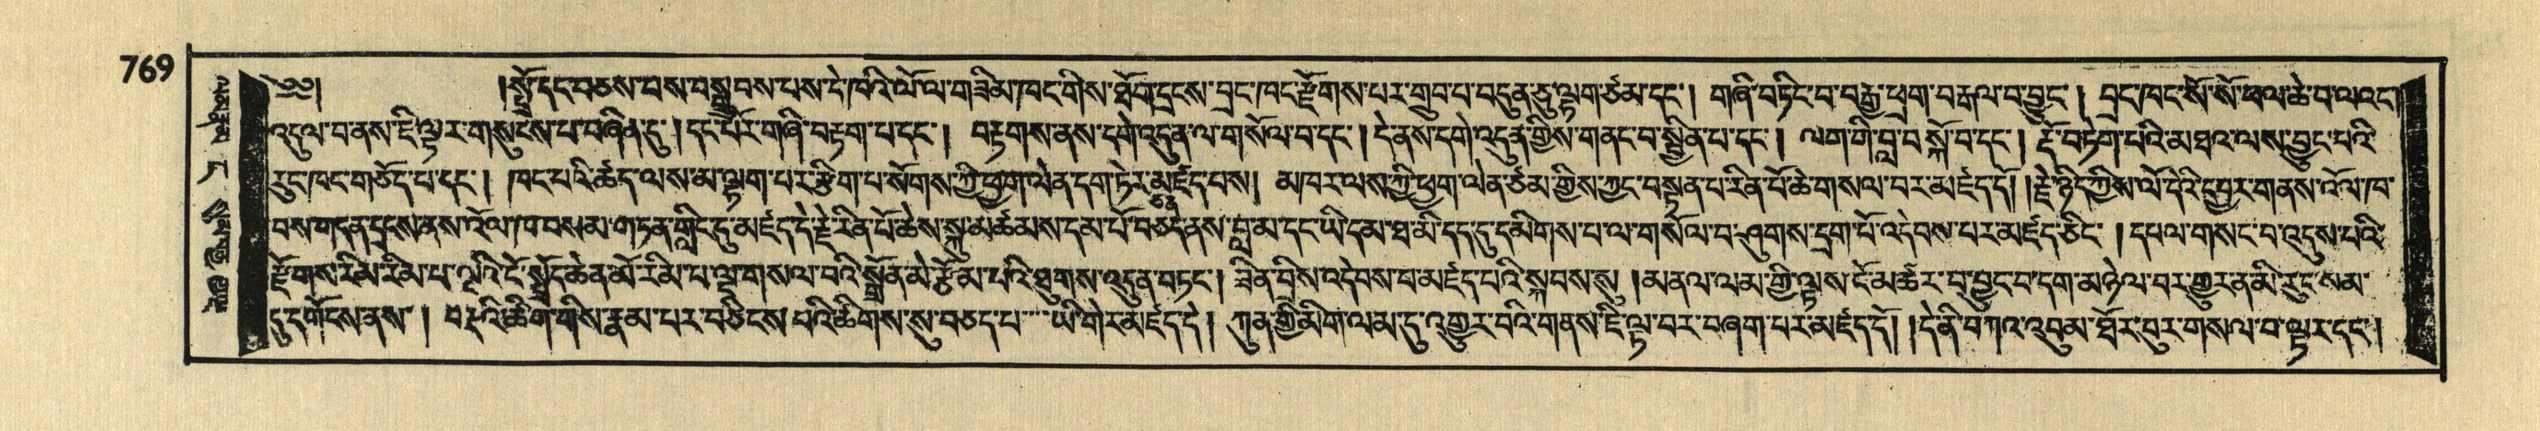༄༅། །སྤྲོ་དང་བཅས་པས་བསྒྲུབས་པས་དེ་ཁའི་ལོ་ལ་གཟིམ་ཁང་གིས་ཐོག་དྲངས་བྲང་ཁང་རྫོགས་པར་གྲུབ་པ་བདུན་ཅུ་ལྷག་ཙམ་དང་། གཞི་བཏིང་བ་བརྒྱ་ཕྲག་བརྒལ་བ་བྱུང་། བྲང་ཁང་སོ་སོ་ཕལ་ཆེ་བ་ལའང་
འདུལ་བ་ནས་ཇི་ལྟར་གསུངས་པ་བཞིན་དུ། དང་པོར་གཞི་བརྟག་པ་དང་། བརྟགས་ནས་དགེ་འདུན་ལ་གསོལ་བ་དང་། དེ་ནས་དགེ་འདུན་གྱིས་གནང་བ་སྦྱིན་པ་དང་། ལག་གི་བླ་བསྐོ་བ་དང་། རྡོ་བཏེག་པའི་མཐའ་ལས་བྱུང་པའི་
རུང་ཁང་གཅོད་པ་དང་། ཁང་པའི་ཚད་ལས་མ་ལྷག་པར་རྩིག་པ་སོགས་ཀྱི་ཕྱག་ལེན་དག་ཏེར་ཅན་མཛད་པས། མཁར་ལས་ཀྱི་ཕྱག་ལེན་ཙམ་གྱིས་ཀྱང་བསྟན་པ་རིན་པོ་ཆེ་གསལ་བར་མཛད་དོ། །རྗེ་ཉིད་ཀྱིས་ལོ་དེའི་དབྱར་གནས་འོལ་ཁ་
བས་གདན་དྲངས་ནས་འོལ་ཁ་བསམ་གཏན་གླིང་དུ་མཛད་དེ་རྗེ་རིན་པོ་ཆེས་སྐུ་མཚམས་དམ་པོ་བཅད་ནས་བླ་མ་དང་ཡི་དམ་ཐ་མི་དད་དུ་དམིགས་པ་ལ་གསོལ་བ་ཤུགས་དྲག་པོ་འདེབས་པར་མཛད་ཅིང་།དཔལ་གསང་བ་འདུས་པའི་
རྫོགས་རིམ་རིམ་པ་ལྔའི་ངོ་སྤྲོང་ཆེན་མོ་རིམ་པ་ལྔ་གསལ་བའི་སྒྲོན་མེ་རྩོམ་པའི་ཐུགས་འདུན་བཏང་། ཟིན་བྲིས་འདེབས་པ་མཛད་པའི་སྐབས་སུ་།མནལ་ལམ་གྱི་ལྟས་ངོ་མཚར་བ་བྱུང་བ་དག་མཉེལ་བར་གྱུར་ན་མི་རུང་སམ་
དུ་དགོངས་ནས། བརྔའི་ཚིག་གིས་རྣམ་པར་བཅིངས་བའི་ཚིགས་སུ་བཅད་པ་ཡི་གེར་མཛད་དེ། ཀུན་གྱི་མིག་ལམ་དུ་འགྱུར་བའི་གནས་ཇི་ལྟ་བར་བཞག་པར་མཛད་དོ། །དེ་ནི་བཀའ་འབུམ་ཐོར་བུར་གསལ་བ་ལྟར་དང་།